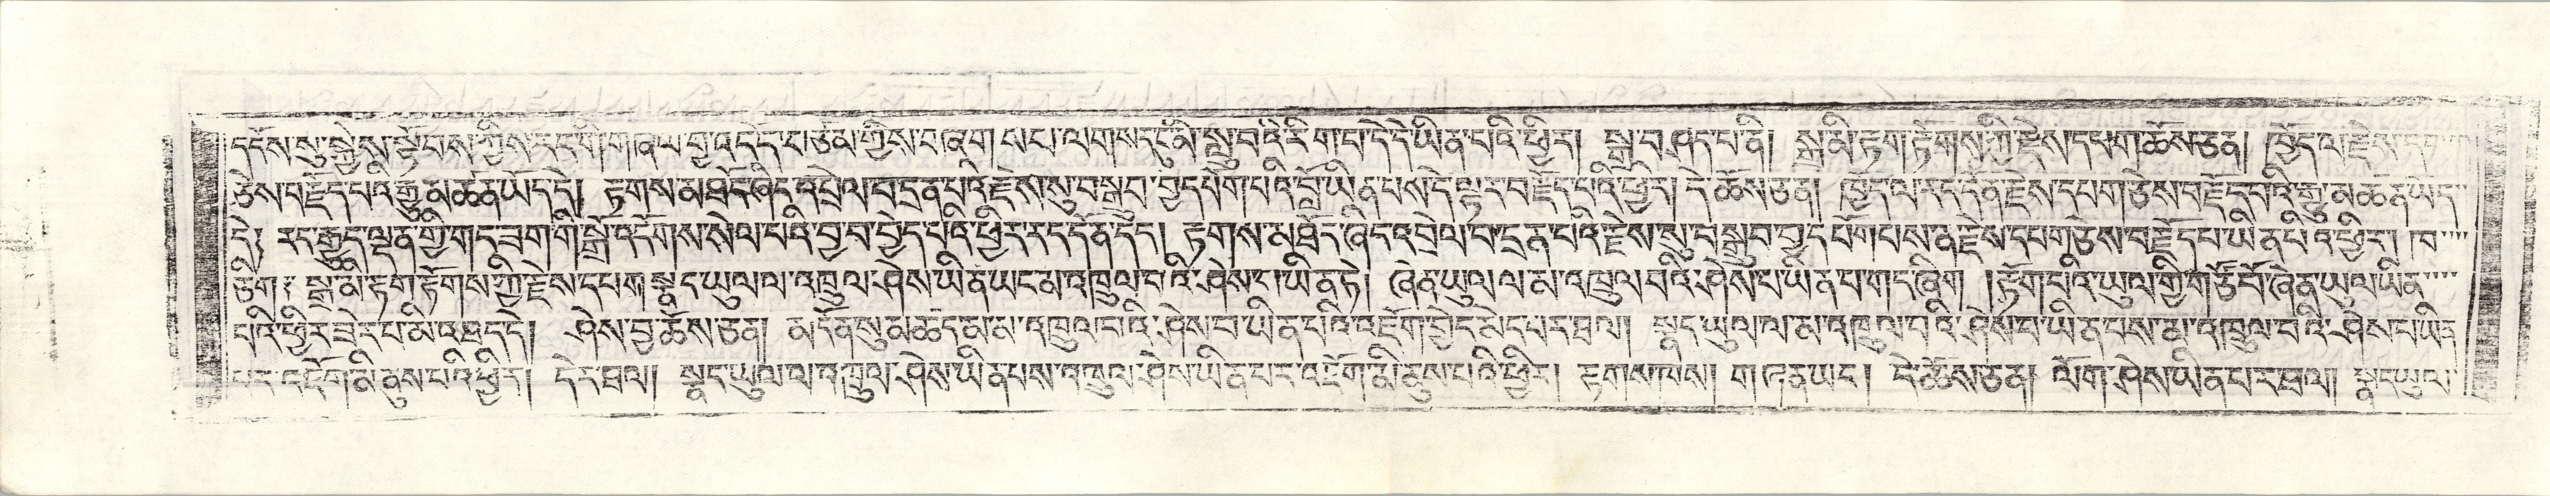དངོས་སུ་སྐྱེས་སྟོབས་ཀྱིས་རང་གི་གཞལ་བྱ་འདོད་པ་ཙམ་གྱིས་བཞག་པ་ལ་གསར་དུ་མི་སླུ་བའི་རིག་པ་དེ་དེ་ཡིན་པའི་ཕྱིར། སྒྲ་བཤད་པ་ནི། སྒྲ་མི་རྟག་རྟོགས་ཀྱི་རྗེས་དཔག་ཆོས་ཅན། ཁྱོད་ལ་རྗེས་དཔག་
ཅེས་བརྗོད་པའི་རྒྱུ་མཚན་ཡོད་དེ། རྟགས་མཐོང་ཞིང་འབྲེལ་བ་དྲན་པའི་རྗེས་སུ་བསྒྲུབ་བྱ་དཔོག་པའི་བློ་ཡིན་པས་དེ་ལྟར་བརྗོད་པའི་ཕྱིར། དེ་ཆོས་ཅན། ཁྱོད་ལ་རང་དོན་རྗེས་དཔག་ཅེས་བརྗོད་པའི་རྒྱུ་མཚན་ཡོད་
དེ། རང་རྒྱུད་ལྡན་གྱི་གང་ཟག་གི་སྒྲོ་འདོགས་སེལ་བའི་བྱ་བ་བྱེད་པའི་ཕྱིར་རང་དོན་དང་། རྟགས་མཐོང་ཞིང་འབྲེལ་བ་དྲན་པའི་རྗེས་སུ་བསྒྲུབ་བྱ་དཔོག་པས་ན་རྗེས་དཔག་ཅེས་བརྗོད་པ་ཡིན་པའི་ཕྱིར། ཁ་
ཅིག། སྒྲ་མི་རྟག་རྟོགས་ཀྱི་རྗེས་དཔག་སྣང་ཡུལ་ལ་འཁྲུལ་ཤེས་ཡིན་ཡང་མ་འཁྲུལ་བའི་ཤེས་པ་ཡིན་ཏེ། ཞེན་ཡུལ་ལ་མ་འཁྲུལ་བའི་ཤེས་པ་ཡིན་པ་གང་ཞིག །རྟོག་པའི་ཡུལ་གྱི་གཙོ་བོ་ཞེན་ཡུལ་ཡིན་
པའི་ཕྱིར་ཟེར་བ་མི་འཐད་དེ། ཤེས་བྱ་ཆོས་ཅན། མངོན་སུམ་ཚད་མ་མ་འཁྲུལ་བའི་ཤེས་པ་ཡིན་པའི་འཇོག་བྱེད་མེད་པར་ཐལ། སྣང་ཡུལ་ལ་མ་འཁྲུལ་བའི་ཤེས་པ་ཡིན་པས་མ་འཁྲུལ་བའི་ཤེས་པ་ཡིན་
པར་འཇོག་མི་ནུས་པའི་ཕྱིར། དེར་ཐལ། སྣང་ཡུལ་ལ་འཁྲུལ་ཤེས་ཡིན་པས་འཁྲུལ་ཤེས་ཡིན་པར་འཇོག་མི་ནུས་པའི་ཕྱིར། རྟགས་ཁས། གཞན་ཡང་། དེ་ཆོས་ཅན། ལོག་ཤེས་ཡིན་པར་ཐལ། སྣང་ཡུལ་